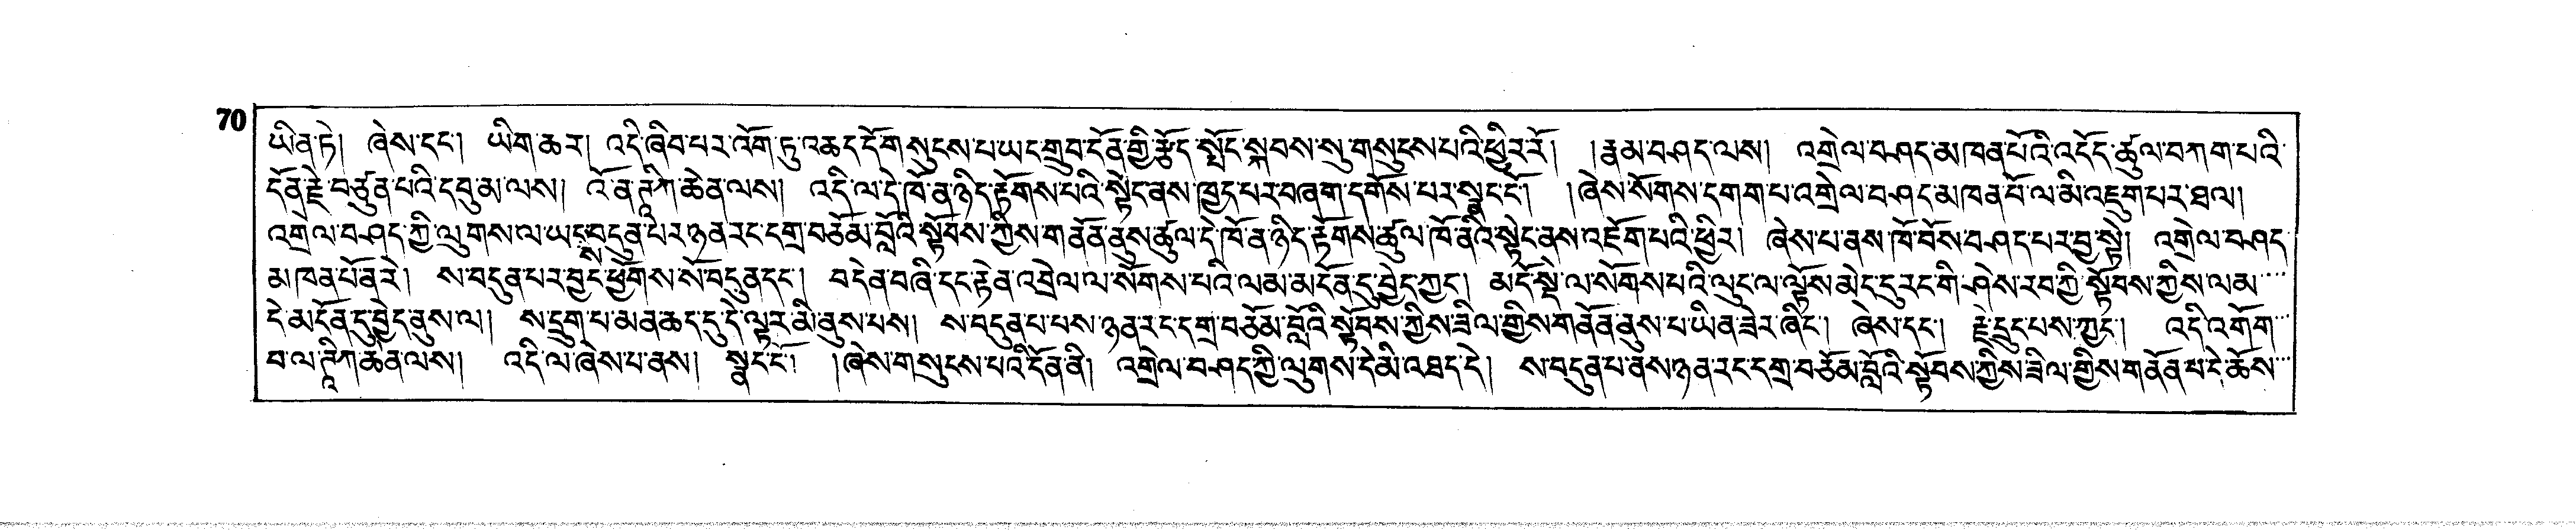ཡིན་ཏེ། ཞེས་དང་། ཡིག་ཆར། འདི་ཞིབ་པར་འོག་ཏུ་འཆད་དོ་གསུངས་པ་ཡང་གྲུབ་དོན་གྱི་རྩོད་སྤོང་སྐབས་སུ་གསུངས་པའི་ཕྱིར་རོ། །རྣམ་བཤད་ལས། འགྲེལ་བཤད་མཁན་པོའི་འདོད་ཚུལ་བཀག་པའི་
དོན་རྗེ་བཙུན་པའི་དབུ་མ་ལས། འོ་ན་ཊཱིཀ་ཆེན་ལས། འདི་ལ་དེ་ཁོ་ན་ཉིད་རྟོགས་པའི་སྟེང་ནས་ཁྱད་པར་བཞག་དགོས་པར་སྣང་ངོ། །ཞེས་སོགས་དགག་པ་འགྲེལ་བཤད་མཁན་པོ་ལ་མི་འཇུག་པར་ཐལ།
འགྲེལ་བཤད་ཀྱི་ལུགས་ལ་ཡངས་བདུན་པར་ཉན་རང་དགྲ་བཅོམ་བློའི་སྟོབས་ཀྱིས་གནོན་ནུས་ཚུལ་དེ་ཁོ་ན་ཉིད་རྟོགས་ཚུལ་ཁོ་ནའི་སྟེང་ནས་འཇོག་པའི་ཕྱིར། ཞེས་པ་ནས་ཁོ་བོས་བཤད་པར་བྱ་སྟེ། འགྲེལ་བཤད་
མཁན་པོ་ན་རེ། ས་བདུན་པར་བྱང་ཕྱོགས་སོ་བདུན་དང་། བདེན་བཞི་དང་རྟེན་འབྲེལ་ལ་སོགས་པའི་ལམ་མངོན་དུ་བྱེད་ཀྱང་། མདོ་སྡེ་ལ་སོགས་པའི་ལུང་ལ་ལྟོས་མེད་དུ་རང་གི་ཤེས་རབ་ཀྱི་སྟོབས་ཀྱིས་ལམ་
དེ་མངོན་དུ་བྱེད་ནུས་ལ། ས་དྲུག་པ་མན་ཆད་དུ་དེ་ལྟར་མི་ནུས་པས། ས་བདུན་པ་པས་ཉན་རང་དགྲ་བཅོམ་བློའི་སྟོབས་ཀྱིས་ཟིལ་གྱིས་གནོན་ནུས་པ་ཡིན་ཟེར་ཞིང་། ཞེས་དང་། རྗེ་དྲུང་པས་ཀྱང་། འདི་འགོག་
པ་ལ་ཊཱིཀ་ཆེན་ལས། འདི་ལ་ཞེས་པ་ནས། སྣང་ངོ། །ཞེས་གསུངས་པའི་དོན་ནི། འགྲེལ་བཤད་ཀྱི་ལུགས་དེ་མི་འཐད་དེ། ས་བདུན་པ་ནས་ཉན་རང་དགྲ་བཅོམ་བློའི་སྟོབས་ཀྱིས་ཟིལ་གྱིས་གནོན་པ་དེ་ཆོས་